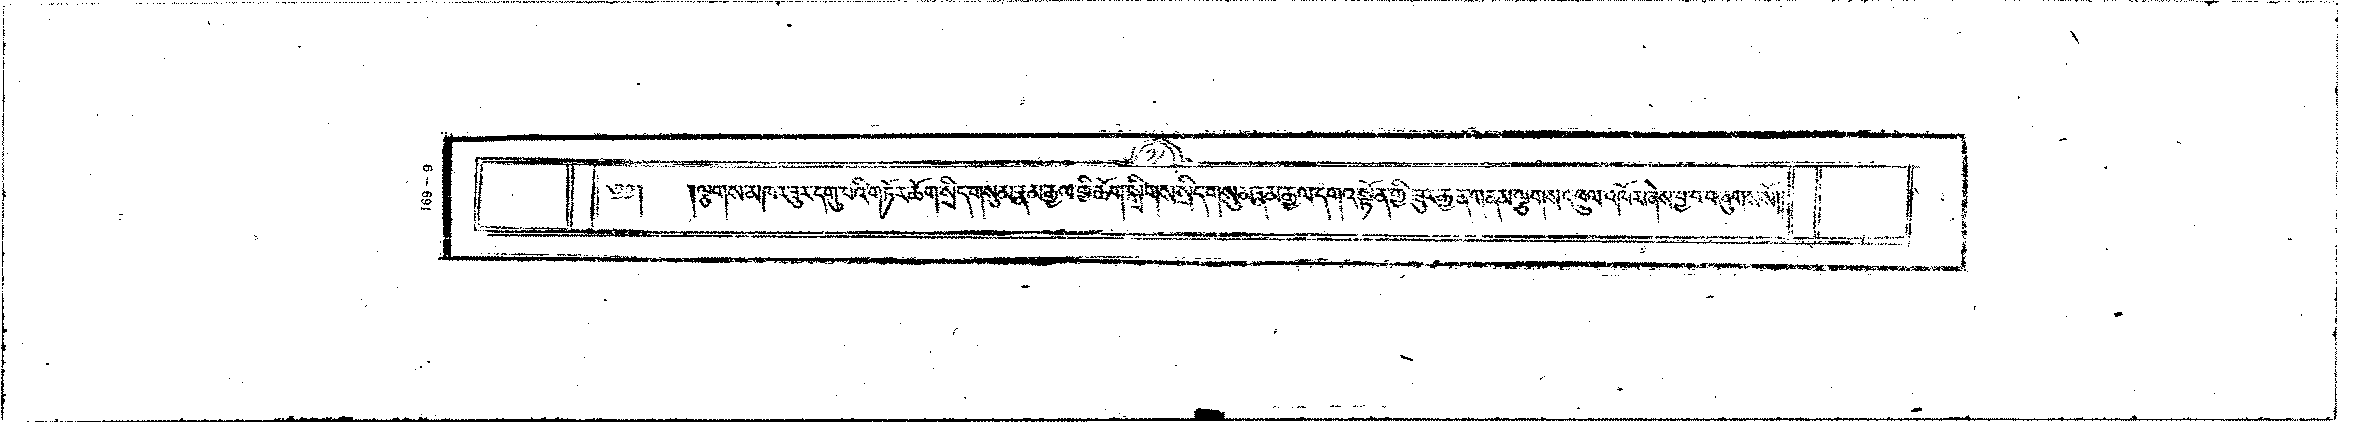༄༅། །ལྕགས་མཁར་ཟུར་དགུ་པའི་གཏོར་ཆོག་སྲིད་གསུམ་རྣམ་རྒྱལ་གྱི་ཆོག་སྒྲིགས་སྲིད་གསུམ་རྣམས་རྒྱལ་དགའ་སྟོན་གྱི་ཟུར་རྒྱན་གནམ་ལྕགས་འཕྲུལ་འཁོར་ཞེས་བྱ་བ་བཞུགས་སོ།།